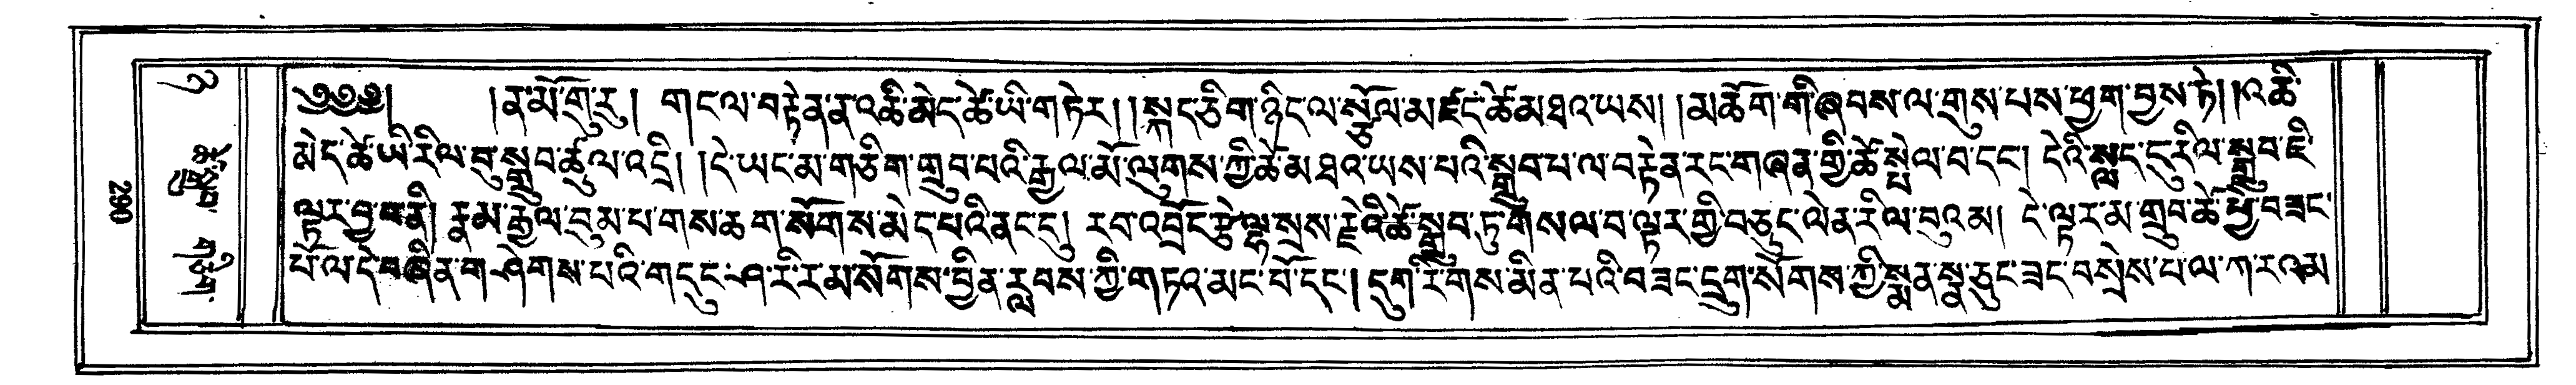༄༅༅། །ན་མོ་གུ་རུ། གང་ལ་བརྟེན་ན་འཆི་མེད་ཚེ་ཡི་གཏེར། །སྐད་ཅིག་ཉིད་ལ་སྩོལ་མཛད་ཚེ་མཐའ་ཡས། །མཆོག་གི་ཞབས་ལ་གུས་པས་ཕྱག་བྱས་ཏེ། །འཆི་
མེད་ཚེ་ཡི་རིལ་བུ་སྒྲུབ་ཚུལ་འདྲི། །དེ་ཡང་མ་གཅིག་གྲུབ་པའི་རྒྱལ་མོ་ལུགས་ཀྱི་ཚེ་མཐའ་ཡས་པའི་སྒྲུབ་པ་ལ་བརྟེན་རང་གཞན་གྱི་ཚེ་སྤེལ་བ་དང་། དེའི་སླད་དུ་རིལ་སྒྲུབ་ཇི་
ལྟར་བྱ་བ་ནི། རྣམ་རྒྱལ་བུམ་པ་གས་ཆག་སོགས་མེད་པའི་ནང་དུ། རབ་འབྲོང་རྩེ་ལྷ་སྲས་རྗེའི་ཚེ་སྒྲུབ་ཏུ་གསལ་བ་ལྟར་གྱི་བཅུད་ལེན་རིལ་བུའམ། དེ་ལྟར་མ་གྲུབ་ཚེ་ཕྱེ་བཟང་
པོ་ལ་དེ་བཞིན་གཤེགས་པའི་གདུང་ཤ་རི་རམ་སོགས་བྱིན་རླབས་ཀྱི་གཏའ་མང་པོ་དང་། དུག་རིགས་མིན་པའི་བཟང་དྲུག་སོགས་ཀྱི་སྨན་སྣ་ཅུང་ཟད་བསྲེས་པ་ལ་ཀ་རའམ་